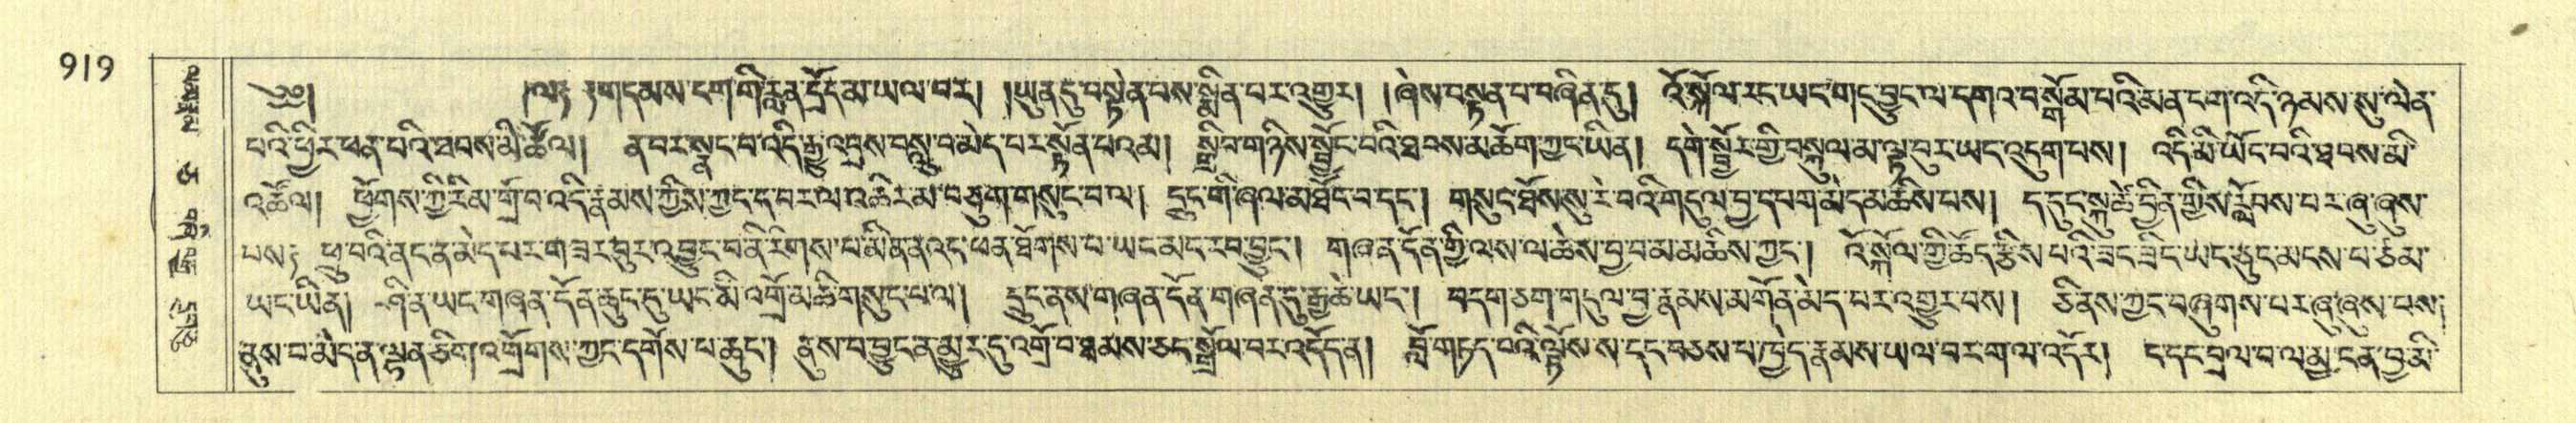༄༅། །ལ༑ ༑གདམས་ངག་གི་རླན་དྲོད་མ་ཡལ་བར། །ཡུན་དུ་བསྟེན་བས་སྨིན་པར་འགྱུར། །ཞེས་བསྟན་པ་བཞིན་དུ། འོ་སྐོལ་རང་ཡང་གང་བྱུང་ལ་དགའ་བ་སྒོམ་པའི་མན་ངག་འདི་ཉམས་སུ་ལེན་
པའི་ཕྱིར་ཕན་པའི་ཐབས་མི་ཚོལ། ན་བར་སྣང་བ་འདི་རྒྱུ་འབྲས་བསླུ་བ་མེད་པར་སྟོན་པའམ། སྒྲིབ་གཉིས་སྦྱོང་བའི་ཐབས་མཆོག་ཀྱང་ཡིན། དགེ་སྦྱོར་གྱི་བསྐུལ་མ་ལྟ་བུར་ཡང་འདུག་པས། འདི་མི་ཡོང་བའི་ཐབས་མི་
འཚོལ། ཕྱོགས་ཀྱི་རིམ་གྲོ་བ་འདི་རྣམས་ཀྱིས་ཀྱང་ད་བར་ལ་འཆིར་མ་བཅུག་གསུང་བ་ལ། དྲུང་གི་ཞལ་མཐོང་བ་དང་། གསུང་ཐོས་སུ་རེ་བའི་གདུལ་བྱ་དཔག་མེད་མཆིས་པས། ད་དུང་སྐུ་ཚེ་བྱིན་གྱིས་རློབས་པར་ཞུ་ཞུས་
པས༑ ཕྲུ་བའི་ནང་ན་མེད་པར་གཟར་བུར་འབྱུང་བ་ནི་རིགས་པ་མིན་ནའང་ཕན་ཐོགས་པ་ཡང་མང་རབ་བྱུང་། གཞན་དོན་གྱི་ལས་ལ་ཆེས་བྱ་བ་མ་མཆིས་ཀྱང་། འོ་སྐོལ་གྱི་ཚོད་རྩིས་པའི་ཟང་ཟིང་ཡང་ཅུང་མངས་པ་ཙམ་
ཡང་ཡིན། ཤི་ན་ཡང་གཞན་དོན་ཆུང་དུ་ཡང་མི་འགྲོ་མཆི་གསུང་པ་ལ། དྲུང་ནས་གཞན་དོན་གཞན་དུ་རྒྱ་ཆེ་ཡང་། བདག་ཅག་གདུལ་བྱ་རྣམས་མགོན་མེད་པར་འགྱུར་བས། ཅི་ནས་ཀྱང་བཞུགས་པར་ཞུ་ཞུས་པས།
ནུས་བ་མེད་ན་ལྷན་ཅིག་འགྲོགས་ཀྱང་དགོས་པ་ཆུང་། ནུས་པ་བྱུང་ན་མྱུར་དུ་འགྲོ་བ་ཐམས་ཅད་སྒྲོལ་བར་འདོད་ན། བློ་གཏད་བའི་ལྟོས་ས་དང་བཅས་པ་ཁྱེད་རྣམས་ཡལ་བར་ག་ལ་འདོར། ང་དང་བྲལ་བ་ལ་མྱ་ངན་བྱ་མི་